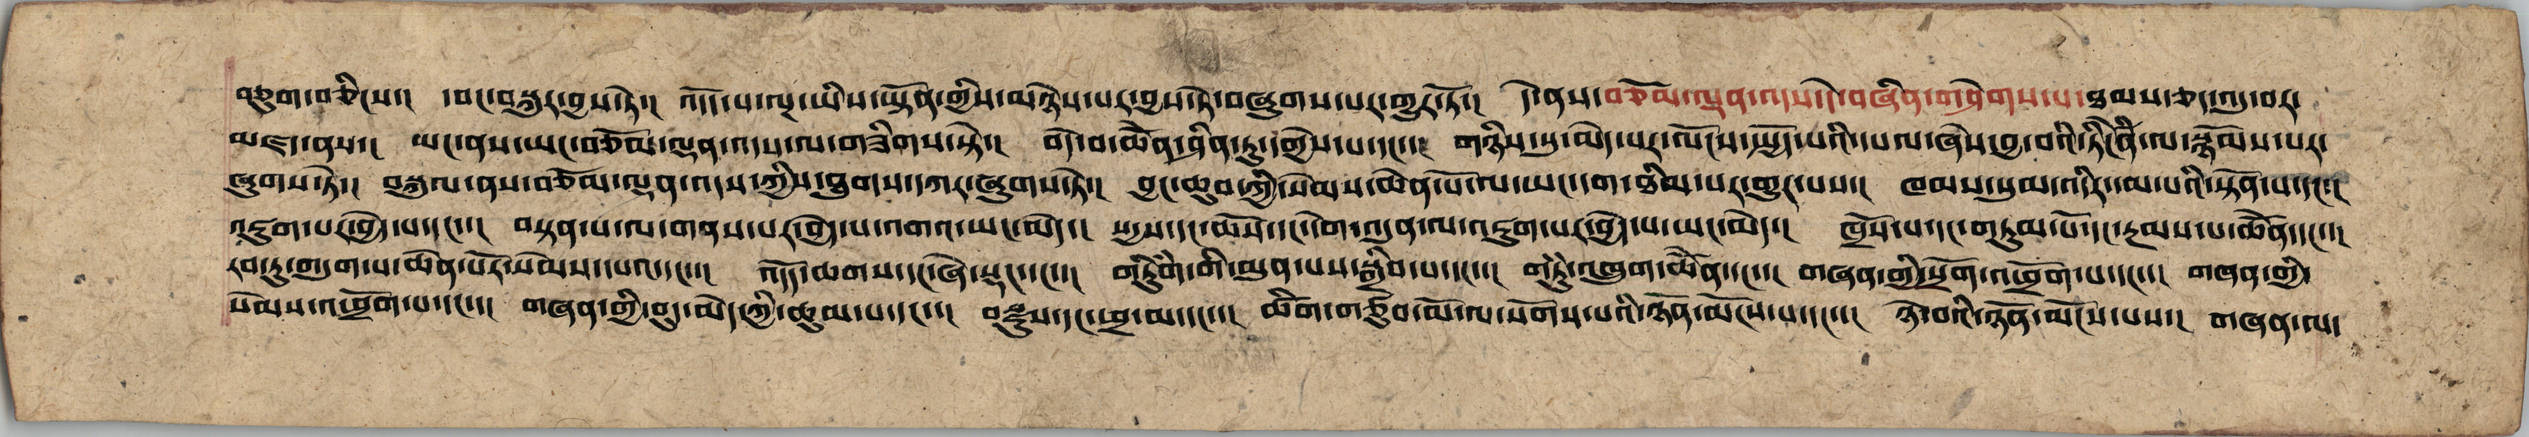བཅུག་བཅིངས་། དབང་བསྐུར་བྱས་ཏེ་། འདོད་པ་ལྔ་ཡིས་ཡྟོན་གྱིས་མཉེས་པར་བྱས་ཏེ་བཞུགས་པར་གྱུར་ཏོ་། དེ་ནས་བཅོམ་ལྡན་འདས་དེ་བཞིན་གཤེགས་པ་ཐམས་ཅད་འདུ་བར་
མཛད་ནས་། ཡང་ནས་ཡང་བཅོམ་ལྡན་འདས་ལ་གཟིགས་སྟེ་། བདེ་བ་ཆེོན་ཤིན་ཏུ་དགྱེས་པ་དང་་། གཉིས་སུ་མེད་པར་ལོངས་སྤྱོད་པའི་དཔལ་ཞེས་བྱ་བའི་ཏིངེཛིན་ལ་སྙོམས་པར་
ཞུགས་ཏེ་། བསྐུལ་ནས་བཅོམ་ལྡན་འདས་ཀྱིས་ཐུགས་དཀར་ཞུགས་ཏེ་། བྱང་ཆུབ་ཀྱི་སེམས་ཆེན་པོ་ལ་ཡང་དག་ཐིམ་པར་གྱུར་པས་། ཁམས་སུམ་འདིར་དམ་པའི་སྟོན་པ་དང་།
འཇུག་པར་བྱེད་པ་དང་་། བསྟན་པ་ལ་གནས་པར་བྱེད་པ་འགའ་ཡང་མེད་། སདྱས་དང་ཆོས་དང་དགེ་འདུན་ལ་འཇུག་པར་བྱེད་པ་ཡང་མེད་། ཁྲོས་པ་དང་གཏུམ་པོ་དང་རྔམས་པ་ཆེནོ་དང་་།
རབ་ཏུ་གདུག་པ་ཆེན་པོར་སེམས་དཔའ་དང་་། འདོད་ཆགས་དང་ཞེ་སྡང་དང་་། གཏིུཾག་གི་མུན་པས་སྒྲིབ་པ་དང་་། གཏུཾ་འཁྲུག་ཆེོན་དང་་། གཞན་གྱི་སྲོག་འཕྲོག་པ་དང་་། གཞན་གྱི་
སེམས་འཕྲོག་པ་དང་་། གཞན་གྱི་བུད་མེད་ཀྱི་ཆུམ་པ་དང་་། བརྫུས་དང་ཕྲ་མ་དང་་། ཚིག་བཙུབ་མོ་ལ་སོགས་པའི་ཉོན་མོངས་པ་དང་་། ཉེ་བའི་ཉོན་མོངས་པས་། གཞན་ལ་